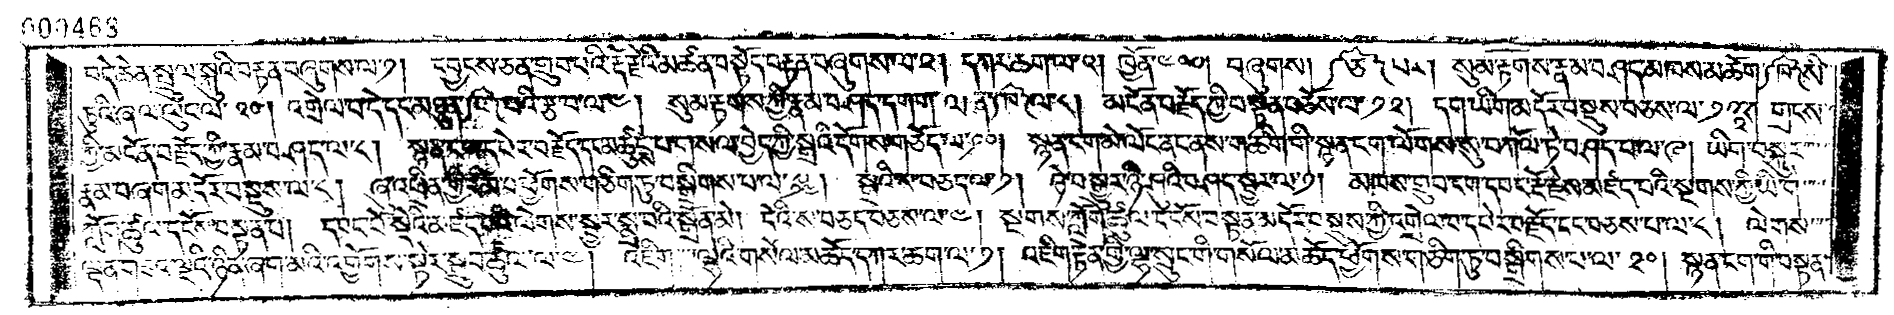བདེ་ཆེན་སྤྲུལ་སྐུའི་བརྟན་བཞུགས་ལ ༡། དབྱངས་ཅན་གྲུབ་པའི་རྡོ་རྗེའི་མཚན་བསྟོད་བརྟེན་བཞུགས་ལ ༢། དཀར་ཆག་ལ ༢། ཁྱོན ༤༠༦། བཞུགས། ༼ཅ༽ པར། སུམ་རྟགས་རྣམ་བཤད་མཁས་མཆོག ༼ཁ༽ ས་
ཏུའི་ཞལ་ལུང་ལ ༢༠། འགྲེལ་བ་དེ་དང་མཐུན ༼ཇ༽ པའི་རྩ་བ་ལ ༤། སུམ་རྟགས་ཀྱི་རྣམ་བཤད་དགག་ལན ༼ཁ༽ ལ ༨། མངོན་བརྗོད་ཀྱི་བསྟན་བཅོས་ལ ༡༢། དག་ཡིག་མདོར་བསྡུས་བཅས་ལ ༡༣༢། གྲངས་
ཀྱི་མངོན་བརྗོད་ཀྱི་རྣམ་བཤད་ལ ༨། སྙན་ངག་དཔེར་བརྗོད་དང་མཚུངས་པ་གསལ་བྱེད་ཀྱི་སྒྲའི་དོགས་གཅོད་ལ ༡༠། སྙན་ངག་མེ་ལོང་ནང་ནས་ག་ཚིག་གི་སྙན་ངག་ལོགས་སུ་བཀོལ་ཏེ་བཤད་པ་ལ ༩། ཡིག་བསྐུར་
རྣམ་བཞག་མདོར་བསྡུས་ལ ༨། ཞུ་འཕྲིན་གྱི་རིམ་པ་ཕྱོགས་གཅིག་ཏུ་བསྒྲིགས་པ་ལ ༡༤། སྒྲའི་ས་བཅད་ལ ༡། ཉེ་བསྒྱུར་ཉི་ཤུའི་བཤད་སྦྱར་ལ ༡། མཁས་གྲུབ་ངག་དབང་རྡོ་རྗེས་མཛད་པའི་སྔགས་ཀྱི་ཡི་གེ་
ཀློག་ཚུལ་དངོས་བསྟན་པ། དབང་པོ་སྡེའི་མཛད་པའི་ལེགས་སྦྱར་སྨྲ་བའི་སྒྲོན་མེ། དེའི་ས་བཅད་བཅས་ལ༤། སྔགས་ཀློག་ཚུལ་དངོས་བསྟན་མདོར་བསྡུས་ཀྱི་འགྲེལ་བ་དཔེར་བརྗོད་དང་བཅས་པ་ལ ༨། ལེགས་
ལྡན་གཟའ་ལྔའི་ཉིན་ཞག་མའི་འགྱོགས་སྟེར་སྒྲུབ་ཚུལ་ལ ༤། འཇིག་ལྷའི་གསོལ་མཆོད་དཀར་ཆག་ལ ༡། འཇིག་རྟེན་གྱི་ལྷ་སྲུང་གི་གསོལ་མཆོད་ཕྱོགས་གཅིག་ཏུ་བསྒྲིགས་པ་ལ ༢༠། སྙན་ངག་གི་བསྟན་